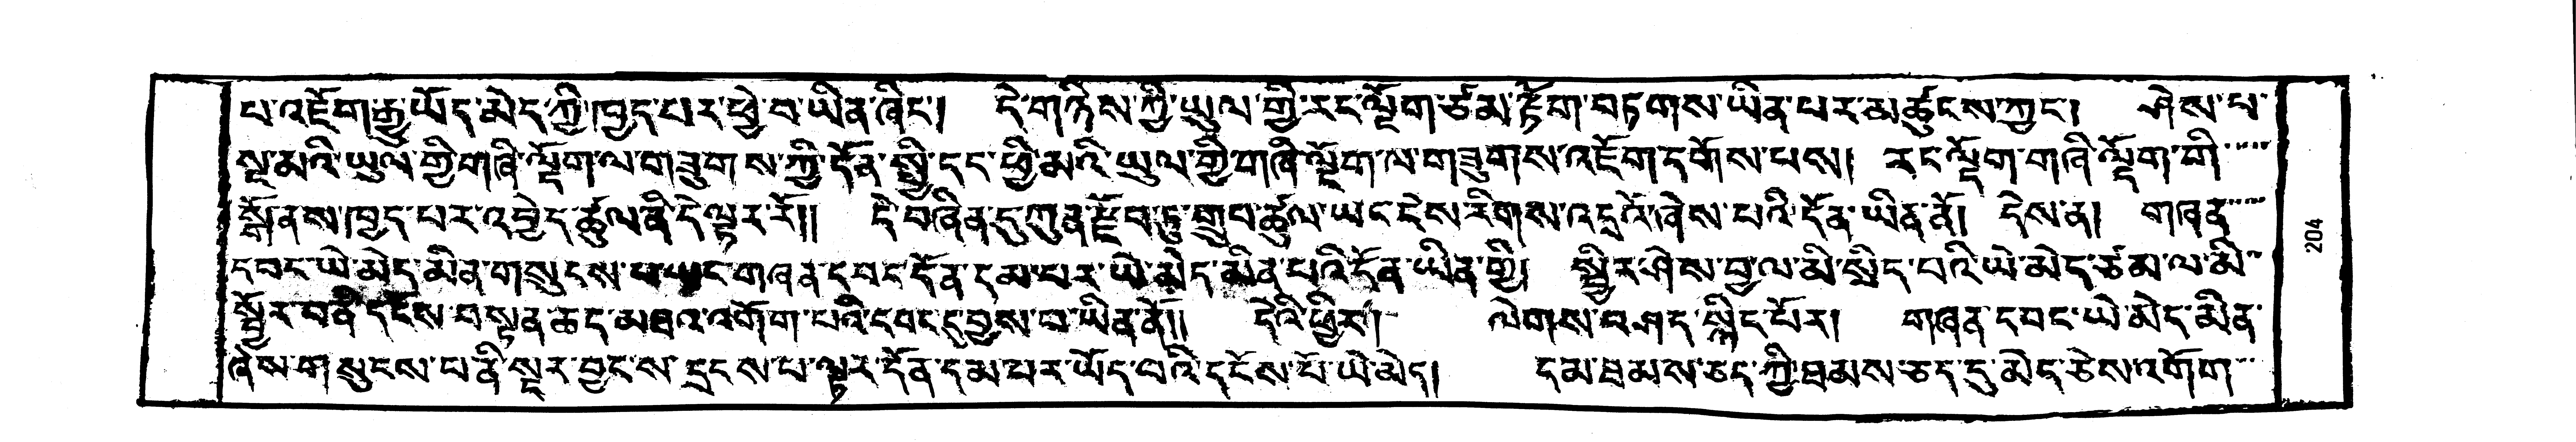པ་འཇོག་རྒྱུ་ཡོད་མེད་ཀྱི་ཁྱད་པར་ཕྱེ་བ་ཡིན་ཞིང་། དེ་གཉིས་ཀྱི་ཡུལ་གྱི་རང་ལྡོག་ཙམ་རྟོག་བཏགས་ཡིན་པར་མཚུངས་ཀྱང་། ཤེས་པ་
སྔ་མའི་ཡུལ་གྱི་གཞི་ལྡོག་ལ་གཟུགས་ཀྱི་དོན་སྤྱི་དང་ཕྱི་མའི་ཡུལ་གྱི་གཞི་ལྡོག་ལ་གཟུགས་འཇོག་དགོས་པས། རང་ལྡོག་གཞི་ལྡོག་གི་
སྒོ་ནས་ཁྱད་པར་འབྱེད་ཚུལ་ནི་དེ་ལྟར་རོ།། དེ་བཞིན་དུ་ཀུན་རྫོབ་ཏུ་གྲུབ་ཚུལ་ཡང་དེས་རིགས་འདྲའོ་ཞེས་པའི་དོན་ཡིན་ནོ། དེས་ན། གཞན་
དབང་ཡེ་མེད་མིན་གསུངས་པ་ཡང་གཞན་དབང་དོན་དམ་པར་ཡེ་མེད་མིན་པའི་དོན་ཡིན་གྱི། སྤྱིར་ཤེས་བྱ་ལ་མི་སྲིད་པའི་ཡེ་མེད་ཙམ་ལ་མི་
སྦྱོར་བ་ནི་དངོས་བསྟན་ཆད་མཐའ་འགོག་པའི་དབང་དུ་བྱས་པ་ཡིན་ནོ།། དེའི་ཕྱིར། ལེགས་བཤད་སྙིང་པོར། གཞན་དབང་ཡེ་མེད་མིན་
ཞེས་གསུངས་པ་ནི་སྔར་བྱང་ས་དྲངས་པ་ལྟར་དོན་དམ་པར་ཡོད་པའི་དངོས་པོ་ཡེ་མེད། དམ་ཐམས་ཅད་ཀྱི་ཐམས་ཅད་དུ་མེད་ཅེས་འགོག་